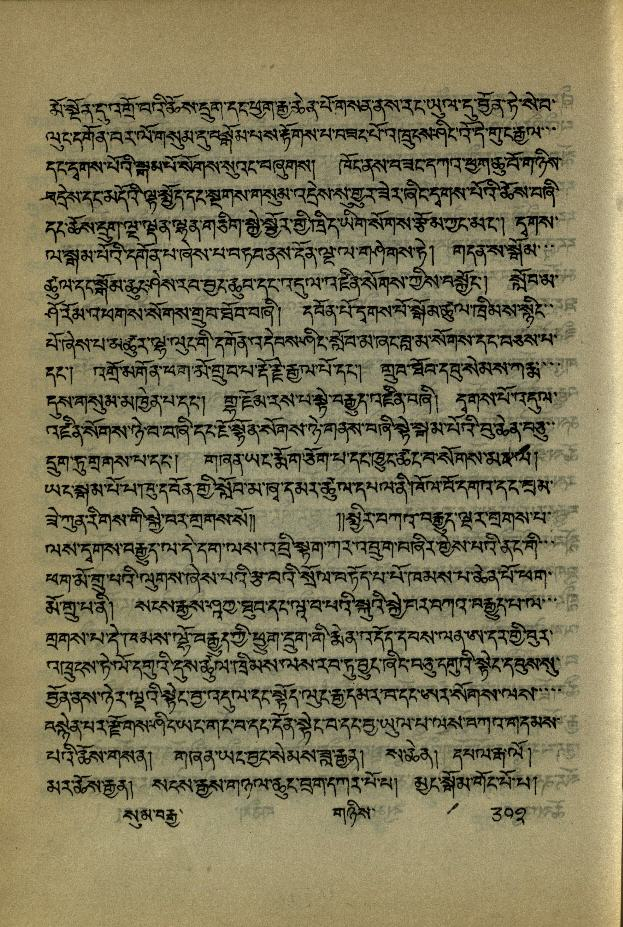མོ་སྔོན་དུ་འགྲོ་བའི་ཆོས་དྲུག་དང་ཕྱག་རྒྱ་ཆེན་པོ་གསན་ནས་རང་ཡུལ་དུ་བྱོན་ཏེ་སེ་བ་
ལུང་དགོན་བར་ལོ་གསུམ་དུ་བསྒོམ་པས་རྟོགས་པ་བཟང་པོ་འཁྲུངས་ཤིང་འོ་དེ་གུང་རྒྱལ་
དང་དྭགས་པོའི་སྒམ་པོ་སོགས་སུའང་བཞུགས། ཁོང་ནས་བཟང་དཀའ་ཕྱག་ཆུ་བོ་གཉིས་
བདྲེས་དང་མདོའི་ལྟ་སྤྱོད་དང་སྔགས་གསུམ་འདྲེས་སུ་གྱུར་ཟེར་ཞིང་དྭགས་པོའི་ཆོས་བཞི་
དང་ཆོས་དྲུག་ལྔ་ལྡན་ལྷན་གཅིག་སྐྱེ་སྦྱོར་གྱི་ཁྲིད་ཡིག་སོགས་རྩོམ་ཀྱང་མང་། དྭགས་
ལ་སྒམ་པོའི་དགོན་པ་ཞེས་པ་བཏབ་ནས་དོན་ལྔ་ལ་གཤེགས་ཏེ། གདན་ས་སྒོམ་
ཚུལ་དང་སྒོམ་ཆུང་ཤེས་རབ་བྱང་ཆུབ་དང་འདུལ་འཛིན་སོགས་ཀྱིས་བསྐྱོང་། སློབ་མ་
ཤོ་རོམ་འཕགས་སོགས་གྲུབ་ཐོབ་བཞི། དབོན་པོ་དྭགས་པོ་སྒོམ་ཚུལ་ཁྲིམས་སྙིང་
པོ་ཞེས་པ་མཚུར་ལྷ་ལུང་གི་དགོན་འདེབས་ཤིང་སློབ་མ་ཞང་བླ་མ་སོགས་དང་བཅས་པ་
དང་། འགྲོ་མགོན་ཕག་མོ་གྲུབ་པ་རྡོ་རྗེ་རྒྱལ་པོ་དང་། གྲུབ་ཐོབ་དབུ་སེམས་ཀརྨ་
དུས་གསུམ་མཁྱེན་པ་དང་། གྷ་ཇོམ་རས་པ་སྟེ་བརྒྱུད་འཛིན་བཞི། དྭགས་པོ་འདུལ་
འཛིན་སོགས་ཉེ་བ་བཞི་དང་ཇོ་སྟོན་སོགས་ཉེ་གནས་བཞི་སྟེ་སྒམ་པོའི་བུ་ཆེན་བཅུ་
དྲུག་ཏུ་གྲགས་པ་དང་། གཞན་ཡང་རྨོག་ཅོག་པ་དང་ཁྱུང་ཚང་བ་སོགས་མཇལ།
ཡང་སྒམ་པོ་པ་ཁུ་དབོན་གྱི་སློབ་མ་ཞྭ་དམར་ཚུལ་དཔལ་ནི་ཁོལ་བོ་དགའ་དང་བྲམ་
ཟེ་ཀུན་རིགས་གི་སྐྱེ་བར་གྲགས་སོ།། །།སྤྱིར་བཀའ་བརྒྱུད་ལྔར་གྲགས་པ་
ལས་དྭགས་བརྒྱུད་ལ་དེ་དག་ལས་འབྲི་སྟག་ཀར་འབྲུག་བཞིར་གྱེས་པའི་ནང་གི་
ཕག་མོ་གྲུ་པའི་ལུགས་ཞེས་པའི་རྩ་བའི་སྲོལ་བཏོད་པ་པོ་ཁམས་པ་ཆེན་པོ་ཕག་
མོ་གྲུ་པ་ནི། སངས་རྒྱས་ཤཱཀྱ་ཐུབ་དང་ཝཱ་བ་པའི་སྐུའི་སྐྱེ་བར་བཀའ་བརྒྱུད་པ་ལ་
གྲགས་པ་དེ་ཁམས་ལྷོ་བརྒྱུད་ཀྱི་ཕྱུག་དྲུག་གི་རྨེན་འདོད་དབས་ལན་ཨ་དར་གྱི་བུར་
འཁྲུངས་ཏེ་ལོ་དགུའི་དུས་ཚུལ་ཁྲིམས་ལས་རབ་ཏུ་བྱུང་ཞིང་བཅུ་དགུའི་སྟེང་དབུས་སུ་
བྱོན་ནས་ཉེར་ལྔའི་སྟེང་བྱ་འདུལ་དང་སྟོད་ལུང་རྒྱ་དམར་བ་དང་ཨར་སོགས་ལས་
བསྙེན་པར་རྫོགས་ཤིང་ཡང་གང་བ་དང་དོན་སྟེང་བ་དང་བྱ་ཡུལ་པ་ལས་བཀའ་གདམས་
པའི་ཆོས་གསན། གཞན་ཡང་བྱང་སེམས་ཟླ་རྒྱན། ས་ཆེན། དཔལ་རྒ་ལོ།
མར་ཆོས་རྒྱན། སངས་རྒྱས་གཉལ་ཆུང་བྲག་དཀར་པོ་པ། མྱང་སྒོམ་གོང་པོ་པ།